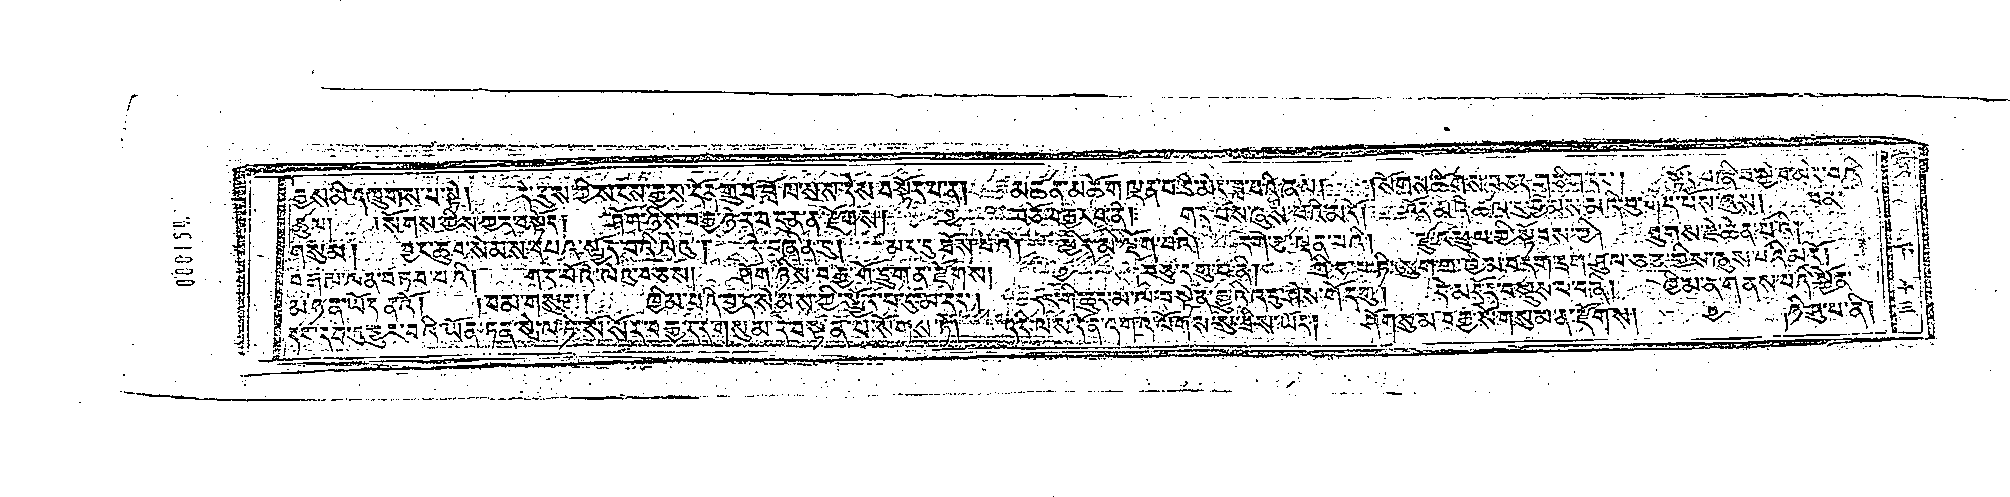རྒྱས་མི་འཁྲུགས་པ་སྟེ། དེ་དུས་ཀྱི་སངས་རྒྱས་དོན་གྲུབ་བློ་ལ་སྲས་དེས་བསྟོད་པ་ན། མཚན་མཆོག་ལྡན་པ་དྲི་མེད་ཟླ་བའི་ཞལ། །སོགས་ཚིགས་བཅད་གཅིག་དང་། སྟོད་བཞི་བ་སྐྱེ་བ་མེད་བའི་
ཚུལ། །སོགས་ཀྱིས་ཀྱང་བསྟོད། ཤོག་ཉིས་བརྒྱ་ཉེར་བདུན་ན་རྫོགས། ༧་བཅོ་བརྒྱད་པ་ནི། གད་པོས་ཞུས་པའི་མདོ། འོད་མའི་ཚལ་དུ་བྱམས་མའི་བུ་གང་པོས་ཞུས། བམ་
གསུམ། བྱང་ཆུབ་སེམས་དཔའ་སྤྱོད་བའི་ལེའུ། དེ་བཞིན་དུ། མང་དུ་ཐོས་པའི། ཕྱིར་མི་ལྡོག་པའི། དགེ་རྩ་ལྡན་པའི། རྫུ་འཕྲུལ་གྱི་སྟོབས་ཀྱི། ཐུགས་རྗེ་ཆེན་པོའི།
བརྒལ་ལན་བཏབ་པའི། གད་པོའི་ལེའུ་བཅས། ཤོག་ཉིས་བརྒྱ་གོ་དྲུག་ན་རྫོགས། ༧་།བཅུ་དགུ་པ་ནི། གྲི་ཧ་པ་ཏི་ཨུག་གྲ་ཁྱིམ་བདག་དྲག་ཤུལ་ཅན་གྱིས་ཞུས་པའི་མདོ། ནུས་ལ་
མཉན་ཡོད་ནའོ། །བམ་གསུམ། ཁྱིམ་པའི་བྱང་སེམས་ཀྱི་སྤྱོད་པ་དུ་མ་དང་། རང་གི་ཆུད་མ་ལ་བསྟེན་རྒྱུའི་འདུ་ཤེས་གོ་དགུ། དེ་མདོར་བསྡུས་པ་བཞི། ཁྱིམ་ན་གནས་པའི་སྐྱོན་
དང་རབ་ཏུ་བྱུང་བའི་ཡོན་ཏན་སྤེལ་ཏེ་སོ་སོར་བརྒྱ་དད་གསུམ་རེ་བསྟན་པ་སོགས་ཏེ། འདི་ལས་དོན་འགའ་ལོགས་སུ་བྲིས་ཡོད། ཤོག་སུམ་བརྒྱ་སོ་གསུམ་ན་རྫོགས། ༧་།ཉི་ཤུ་པ་ནི།